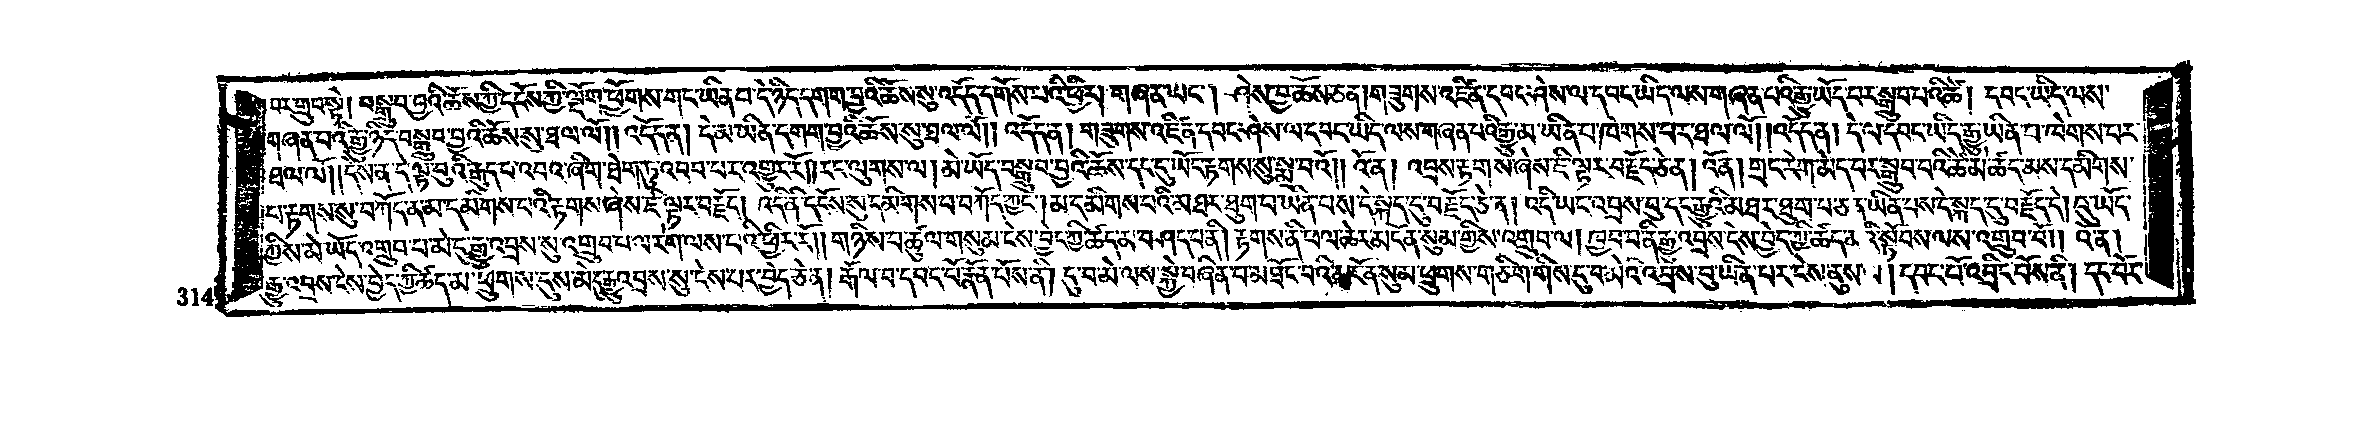བར་གྲུབ་སྟེ། བསྒྲུབ་བྱའི་ཆོས་ཀྱི་དངོས་ཀྱི་ལྡོག་ཕྱོགས་གང་ཡིན་པ་དེ་ཉིད་དགག་བྱའི་ཆོས་སུ་འདོད་དགོས་པའི་ཕྱིར། གཞན་ཡང་། ཤེས་བྱ་ཆོས་ཅན། གཟུགས་འཛིན་དབང་ཤེས་ལ་དབང་ཡིད་ལས་གཞན་པའི་རྒྱུ་ཡོད་པར་སྒྲུབ་པའི་ཚེ། དབང་ཡིད་ལས་
གཞན་པའི་རྒྱུ་ཉིད་བསྒྲུབ་བྱའི་ཆོས་སུ་ཐལ་ལོ། །འདོད་ན། དེ་མ་ཡིན་དགག་བྱའི་ཆོས་སུ་ཐལ་ལོ། །འདོད་ན། གཟུགས་འཛིན་དབང་ཤེས་ལ་དབང་ཡིད་ལས་གཞན་པའི་རྒྱུ་མ་ཡིན་པ་ཁེགས་པར་ཐལ་ལོ། །འདོད་ན། དེ་ལ་དབང་ཡིད་རྒྱུ་ཡིན་པ་ཁེགས་པར་
ཐལ་ལོ། །དེས་ན་དེ་ལྟ་བུའི་རྒུད་པ་འབའ་ཞིག་ཐོག་?་ཏུ་འབབ་པར་འགྱུར་རོ། །རང་ལུགས་ལ། མེ་ཡོད་བསྒྲུབ་བྱའི་ཆོས་དང་དུ་ཡོད་རྟགས་སུ་སྨྲ་བའོ། །འོ་ན། འབྲས་རྟགས་ཞེས་ཇི་ལྟར་བརྗོད་ཅེ་ན། འོ་ན། གྲང་རེག་མེད་པར་སྒྲུབ་པའི་ཚེ་མེ་ཚད་མས་དམིགས་
པ་རྟགས་སུ་བཀོད་ན་མ་དམིགས་པའི་རྟགས་ཞེས་ཇི་ལྟར་བརྗོད། འདི་ནི་དངོས་སུ་དམིགས་པ་བཀོད་ཀྱང་། མ་དམིགས་པའི་མཐར་ཐུག་པ་ཡིན་པས་དེ་སྐད་དུ་བརྗོད་ཅེ་ན། འདི་ཡང་འབྲས་བུ་དང་རྒྱུའི་མཐར་ཐུག་པ་ཅན་ཡིན་པས་དེ་སྐད་དུ་བརྗོད་དེ། དུ་ཡོད་
ཀྱིས་མེ་ཡོད་འགྲུབ་པ་མེ་དུ་རྒྱུ་འབྲས་སུ་འགྲུབ་པ་ལ་རག་ལས་པའི་ཕྱིར་རོ། །གཉིས་པ་ཚུལ་གསུམ་ངེས་བྱེད་ཀྱི་ཚད་མ་བཤད་པ་ནི། རྟགས་ནི་ཕལ་ཆེར་མངོན་སུམ་གྱིས་འགྲུབ་ལ། ཁྱབ་པ་ནི་རྒྱུ་འབྲས་ངེས་བྱེད་ཀྱི་ཚད་མའི་སྟོབས་ལས་འགྲུབ་བོ། །འོ་ན།
རྒྱུ་འབྲས་ངེས་བྱེད་ཀྱི་ཚད་མ་ཕྲུགས་དུས་མེ་དུ་རྒྱུ་འབྲས་སུ་ངེས་པར་བྱེད་ཅེ་ན། རྒོལ་བ་དབང་པོ་རྣོན་པོས་ནི། དུ་བ་མེ་ལས་སྐྱེ་བཞིན་པ་མཐོང་བའི་མངོན་སུམ་ཕྲུགས་གཅིག་གིས་དུ་བ་མེའི་འབྲས་བུ་ཡིན་པར་ངེས་ནུས་ལ། དབང་པོ་འབྲིང་པོས་ནི། དང་པོར་